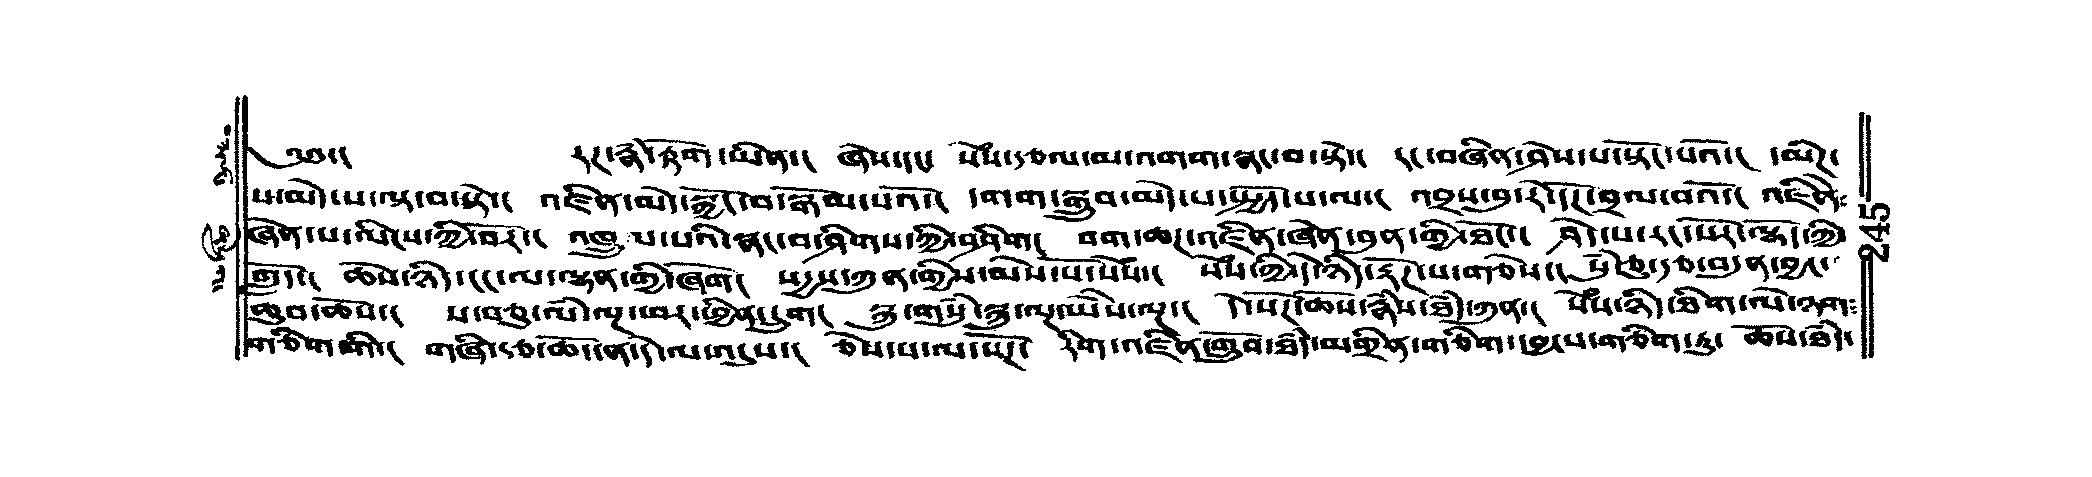རགས་རྣམ་རྟོག་ཡིན། ཞེས་དང་། སེམས་རྩལ་མ་འགག་སྣང་བ་སྟེ། །རང་བཞིན་ཤེས་པ་སྟོང་པའོ། །དམིགས་
པ་མེད་པ་ལྟ་བ་སྟེ། །འཛིན་མེད་སྐྱོང་བ་སྒོམ་པའོ། །དགག་སྒྲུབ་མེད་པ་སྤྱོད་པ་ལ། །འབྲས་བུ་རེ་དོགས་བྲལ་བའོ། །འཇིག་རྟེན་
ཞེན་པ་ལིངས་ཀྱི་བོར། །འཁྲུལ་པའི་སྣང་བ་ཤིགས་ཀྱི་བཤིག །བག་ཆགས་འཛིན་ཞེན་བུན་གྱི་ཐོང་། །ཤེད་པ་རང་སོར་ལྷོད་ཀྱི་
གློད། །ཆོས་ཉིད་ངང་ལ་ལྷན་གྱི་ཞོག །སངས་རྒྱས་ཀུན་གྱིས་མེས་པོ་སེམས། །སེམས་ཀྱི་དེ་ཉིད་རྟོགས་པ་གཅེས། །སུམ་ཅུ་རྩ་བདུན་བྱང་
ཆུབ་ཆོས། །ས་བཅུ་ལམ་ལྔ་ཕར་ཕྱིན་དྲུག །སྐུ་གསུམ་སྐུ་ལྔ་ཡེ་ཤེས་ལྔ། །དེ་སོགས་ཆོས་རྣམས་ཐམས་ཅད་ཀུན། །སེམས་ཉིད་ཐིག་ལེ་ཉག་
གཅིག་གི། །གཞི་རྩ་ཆོད་ན་དེ་ལ་འདུས། ཅེས་པ་ལ་སོགས། རིག་འཛིན་གྲུབ་ཐོབ་ཐམས་ཅད་མགྲིན་གཅིག་དབྱངས་གཅིག་ཏུ། ཆོས་ཐམས་ཅད་